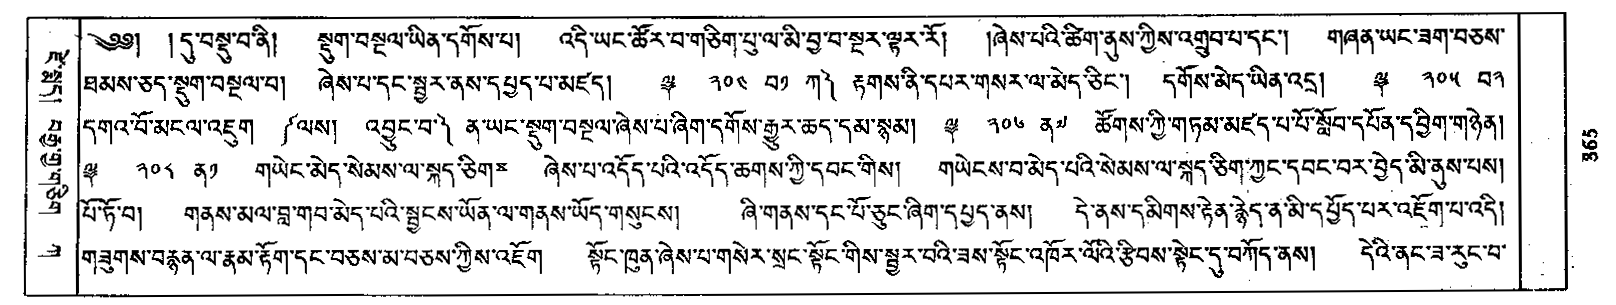༄༅། །དུ་བསྡུ་བ་ནི། སྡུག་བསྔལ་ཡིན་དགོས་པ། འདི་ཡང་ཚོར་བ་གཅིག་པུ་ལ་མི་བྱ་བ་སྔར་ལྟར་རོ། །ཞེས་པའི་ཚིག་ནུས་ཀྱིས་འགྲུབ་པ་དང་། གཞན་ཡང་ཟག་བཅས་
ཐམས་ཅད་སྡུག་བསྔལ་བ། ཞེས་པ་དང་སྦྱར་ནས་དཔྱད་པ་མཛད། ༈ ༢༠༤་བ་༈ ༡་ཀ་རྟགས་ནི་དཔར་གསར་ལ་མེད་ཅིང་། དགོས་མེད་ཡིན་འདྲ། ༈ ༢༠༥་བ ༢
དགའ་བོ་མངལ་འཇུག་?ལས། འབྱུང་བ་ན་ཡང་སྡུག་བསྔལ་ཞེས་པ་ཞིག་དགོས་རྒྱུར་ཆད་དམ་སྙམ། ༈ ༢༠༦་ན ༧་ཚོགས་ཀྱི་གཏམ་མཛད་པ་པོ་སློབ་དཔོན་དབྱིག་གཉེན།
༈ ༢༠༨་ན ༡་གཡེང་མེད་སེམས་ལ་སྐད་ཅིག་྾་ཞེས་པ་འདོད་པའི་འདོད་ཆགས་ཀྱི་དབང་གིས། གཡེངས་བ་མེད་པའི་སེམས་ལ་སྐད་ཅིག་ཀྱང་དབང་བར་བྱེད་མི་ནུས་པས།
པོ་ཏོ་བ། གནས་མལ་བླ་གབ་མེད་པའི་སྦྱངས་ཡོན་ལ་གནས་ཡོད་གསུངས། ཞི་གནས་དང་པོ་ཅུང་ཞིག་དཔྱད་ནས། དེ་ནས་དམིགས་རྟེན་རྙེད་ན་མི་དཔྱོད་པར་འཇོག་པ་འདི།
གཟུགས་བརྙན་ལ་རྣམ་རྟོག་དང་བཅས་མ་བཅས་ཀྱིས་འཇོག་སྟོང་ཁུན་ཞེས་པ་གསེར་སྲང་སྟོང་གིས་སྦྱར་བའི་ཟས་སྟོང་འཁོར་ལོའི་རྩིབས་སྟེང་དུ་བཀོད་ནས། དེའི་ནང་ཟ་རུང་བ་